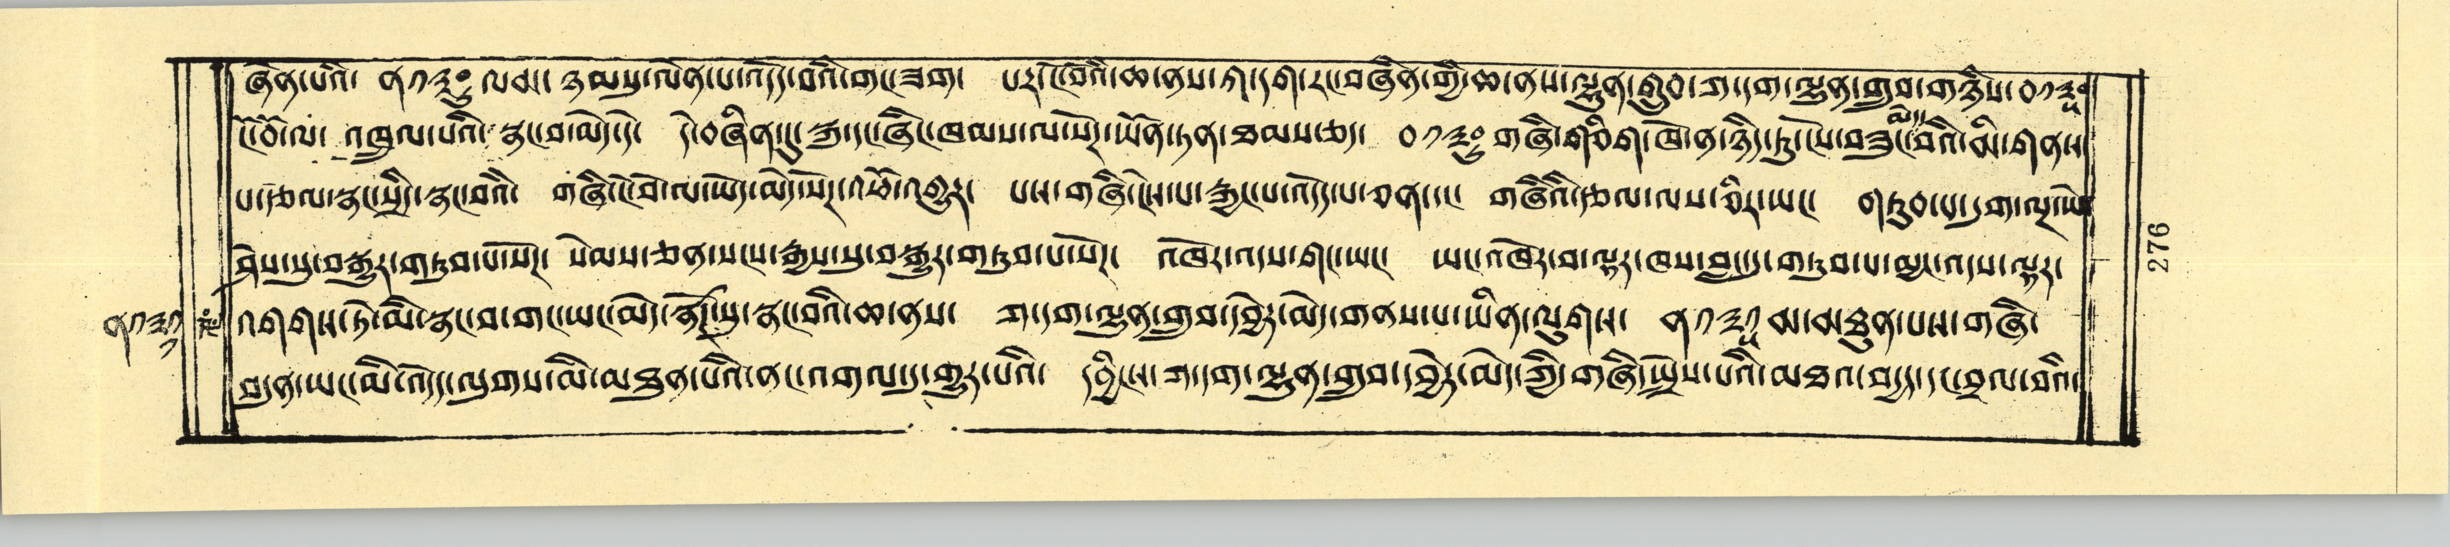ཞེན་པའི་ན༡༣༠།༦ ༼ལམ་༽ཉམས་སུ་ལེན་པ་འདོད་པའི་གང་ཟག ༼པར་༽ངོ་བོའི་ཆ་ནས་ ༼ཀ་དག་༽རང་བཞིན་གྱི་ཆ་ནས་ ༼ལྷུན་གྲུབ་༽ཀ་དག་ལྷུན་གྲུབ་གཉིས་བ༡༣༠།༥ 
ངོ་བོ་ལ་འཁྲུལ་པའི་སྣང་བ་མེད་དེ། ༼དེ་བཞིན་དུ་༽སྐུ་དང་ཞིང་ཁམས་ལ་སོགས་ ༼ཡོན་ཏན་༽ཐམས་ཅད་བ༡༣༠།༦ གཞི་ ༼གཅིག་༽ཁོ་ནས་ཉིད་ཏུ་ངོས་བཟུང་མེད་བའི་ ༼མི་གནས་
པ་༽རྩལ་སྣང་སྲིད་སྣང་བའི། གཞི་ངོ་བོ་ལ་ཡོད་མེད་སོགས་ ༼འཕོ་འགྱུར་པས་༽གཞི་ ༼ངེས་པ་ཅན་༽དང་གཞིའི་རྩལ་ལས་ ༼ཅིར་ཡང་༽ ༼གཏུབ་པ་༽དུག་ལྔ་ཡེ་
ཤེས་སུ་བསྒྱུར་གཏུབ་པ་སོགས། སེམས་ཅན་སངས་རྒྱས་སུ་བསྒྱུར་གཏུབ་པ་སོགས། འཁོར་འདས་ ༼གང་ཡང་༽ ༼ཡང་༽འཁོར་བ་ལྟར་ཁས་བླང་དུ་གཏུབ་པ་མྱང་འདས་ལྟར་
ན༡༣༡།༡ ༼འགགས་༽ཏེ་མི་སྣང་བ་གང་ཡང་མེད་སྣ་ཚོགས་སུ་སྣང་བའི་ཆ་ནས། ཀ་དག་ལྷུན་གྲུབ་དབྱེར་མེད་གནས་པ་ ༼ཡིན་ལུགས་༽ན༡༣༡།༥ ༼མ་མཐུན་པས་༽གཞི་
བདུན་ཡང་མི་འདོད་ལུགས་མི་མཐུན་པའི་ནང་འགལ་དུ་གྱུར་པའི། ༼དབྱིངས་༽ཀ་དག་ལྷུན་གྲུབ་དབྱེར་མེད་ཀྱི་གཞི་སྤྲོས་པའི་མཐའ་བརྒྱད་དང་བྲལ་བའི་